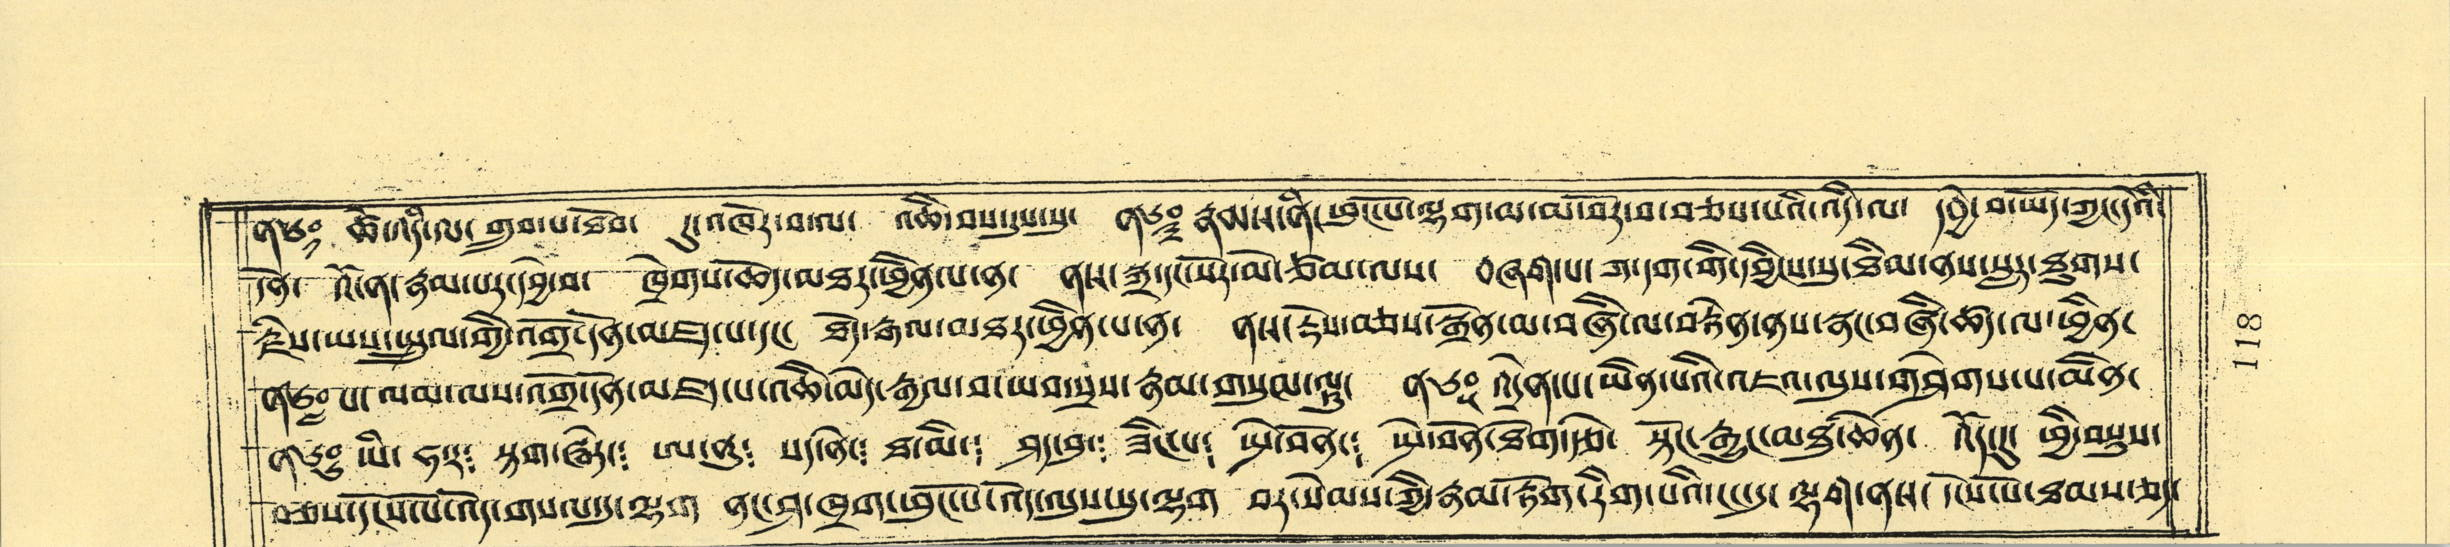ན༦༠།༡ ཚེ་འདི་ལ་གྲུབ་པ་ཐོབ་ དུ་འཁོར་བ་ལ། འཆི་བས་དུས་ན། ན༦༠།༣རྣམས་ནི་ཕུང་པོ་ལྷག་མ་མ་བོར་བ་བཅས་པའི་འདི་ལ་ དབྱེ་བ་ཡོད་ཀྱང་དེའི་
དོན་ འོ་ན་རྣམ་པར་དབྱེ་བ། ཁྲེགས་ཆོད་མཐར་ཕྱིན་པ་ན། ནསསྐྲ་དང་སོར་མོ་ཙམ་ལས་ བཞག་པ་ཀ་དག་གི་དབྱིངས་སུ་ཐིམ་ནས་སླར་ཐུགས་
རྗེས་ཡས་སྤྲུལ་གྱི་འགྲོ་དོན་མཛད་པ་དང་། ཐོད་རྒལ་མཐར་ཕྱིན་པ་ན། ནས་རྡོས་བཅས་སྒྲོན་མ་བཞི་ལ་བརྟེན་ནས་སྣང་བཞི་ཚད་ལ་ཕྱིན་
ན༦༠།༤པ་ལམ་ལས་འགྲོ་དོན་མཛད་པ་འཆི་མེད་རྒྱལ་བ་ཡབ་སྲས་རྣམ་གསུམ་ལྟ་བུ། ན༦༠།༥འདྲེན་པ་ཡིན་པའི་འཇའ་ལུས་གཤེགས་པ་མིན་
ན༦༠།༦ཡི། ཧ་ར། སྟག་ཝེར། ཨ་ནུ། སད་ནེ། ཐ་མི། ཤད་པུ། ཟིང་པ། སྤེ་བོན། སྤེ་བོན་ཐོག་རྩེ། སྟོང་རྒྱུང་མཐུ་ཆེན། འོད་དུ། ཕྱི་གདོས་
བཅས་དངོས་པོ་འོད་གསལ་དུ་ལྷག ནང་ཤ་ཁྲག་པུང་པོ་འོད་ལུས་སུ་ལྷག བར་སེམས་ཀྱི་རྣམ་རྟོག་རིག་པའི་ངང་དུ་ལྷག་ནས་ དངོས་པོ་ཐམས་ཅད་